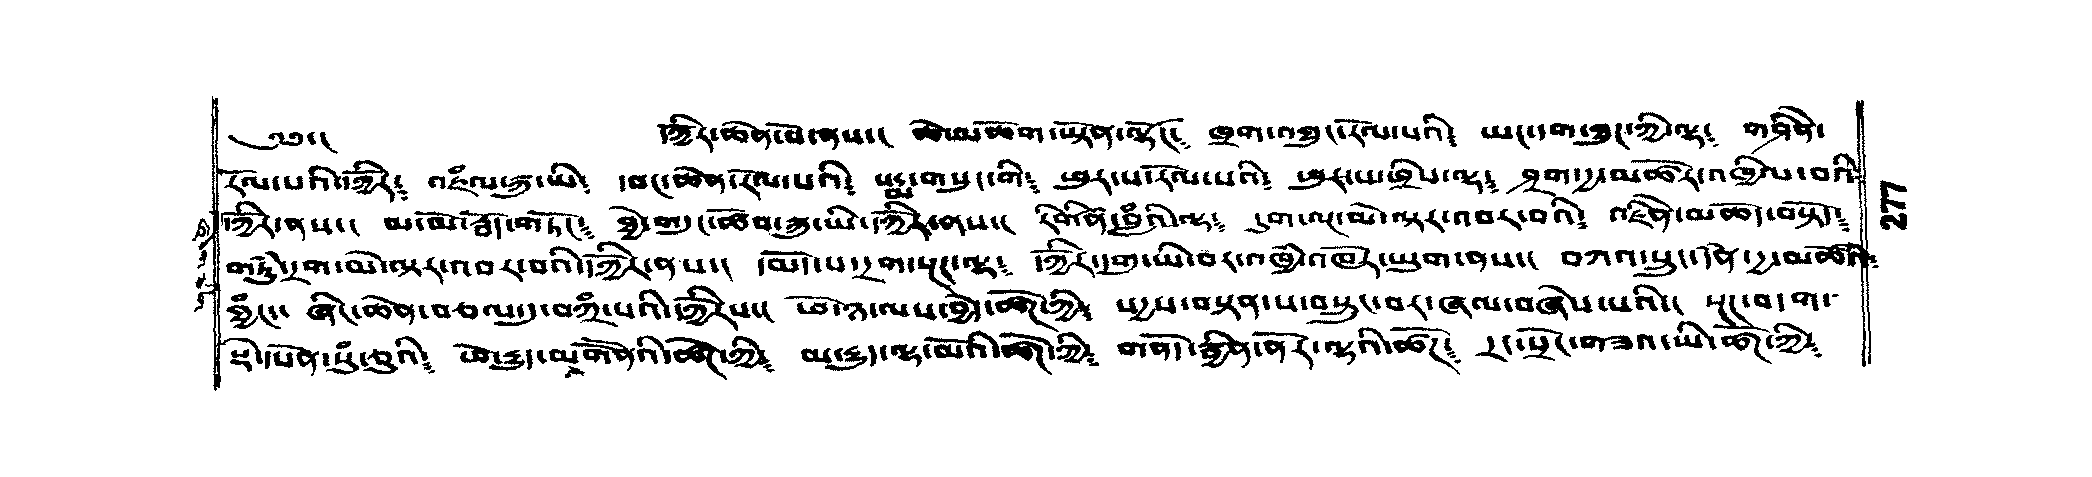དཀྱིལ་འཁོར་ཆེན་པོ་ནས། །ཆེ་མཆོག་ཡོན་ཏན་ལྷ་ཚོགས་༴ ཁྲག་འཐུང་རོལ་པའི་༴ ཡང་དག་ཐུགས་ཀྱི་ལྷ་༴ གཤིན་རྗེ་
རོལ་པའི་དཀྱིལ་འཁོར་༴ འཇམ་དཔལ་སྐུ་ཡི་༴ དབང་ཆེན་རོལ་པའི་༴ པདྨ་གསུང་གི་༴ ཕུར་པ་རོལ་པའི་༴ ཕུར་པ་ཕྲིན་ལས་ལྷ་༴ ཤ་ཁྲག་རྒྱ་མཚོར་འཁྱིལ་བའི་
དཀྱིལ་འཁོར་ནས། །མ་མོ་རྦོད་གཏོང་༴ ཐུགས་རྗེ་གདུང་ཚོབ་སྐུ་ཡི་དཀྱིལ་འཁོར་ནས། །རིགལའཛིན་བླ་མེད་ལྷ་༴ དུག་ལྔ་མེ་ལྟར་འབར་བའི་༴ འཇིག་རྟེན་མཆོད་བསྟོད་༴ 
གཏུམ་དྲག་མེ་ལྟར་འབར་བའི་དཀྱིལ་འཁོར་ནས། །དམོད་པ་དྲག་སྔགས་ལྷ་༴ དཀྱིལ་འཁོར་དགུ་ཡི་བར་འཁྱམས་འཁོར་ཡུག་ནས། །བཀའ་སྲུང་དམ་ཅན་རྒྱ་མཚོའི་
ཐུགས་དམ་བསྐང་། །ཞིང་ཆེན་བཅལ་དུ་བཀྲམ་པའི་དཀྱིལ་འཁོར་ནས། །ཕོ་ཉ་ལས་བྱེད་ཚོགས་ཀྱི་༴ སངས་རྒྱས་བསྟན་པ་བསྲུང་བར་ཞལ་བཞེས་པའི། །སྔགས་བདག་
སྡེ་དཔོན་སུམ་ཅུའི་༴ ཕོ་རྒྱུད་མགོན་པོའི་ཚོགས་ཀྱི་༴ མ་རྒྱུད་ལྷ་མོའི་ཚོགས་ཀྱི༴ གནོད་སྦྱིན་ནོར་ལྷའི་ཚོགས་༴ དྲང་སྲོང་གཟའ་ཡི་ཚོགས་ཀྱི་༴